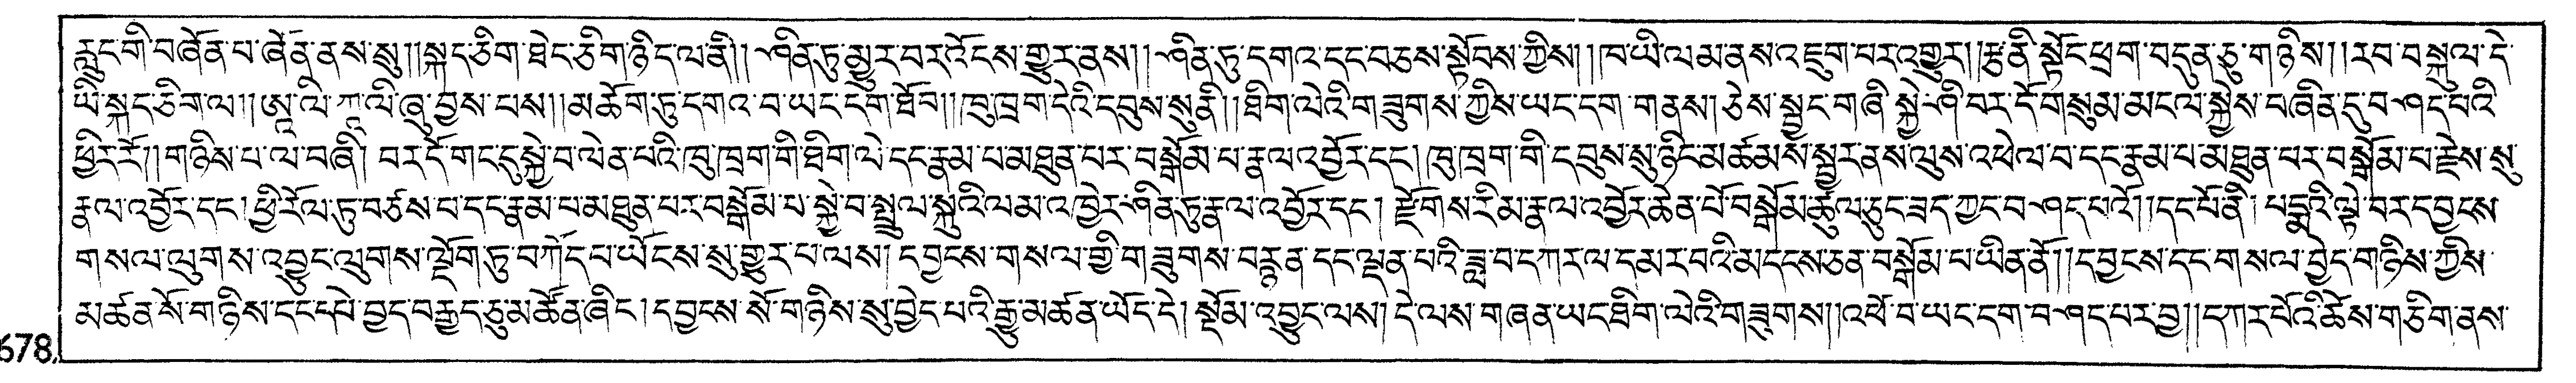རླུང་གི་བཞོན་པ་ཞོན་ནས་སུ། །སྐད་ཅིག་ཐེང་ཅིག་ཉིད་ལ་ནི། །ཤིན་ཏུ་མྱུར་བར་འོངས་གྱུར་ནས། །ཤིན་ཏུ་དགའ་དང་བཅས་སྟོབས་ཀྱིས། །ཁ་ཡི་ལམ་ནས་འཇུག་པར་འགྱུར། །རྩ་ནི་སྟོང་ཕྲག་བདུན་ཅུ་གཉིས། །རབ་བསྐུལ་དེ་
ཡི་སྐད་ཅིག་ལ། །ཨཱ་ལི་ཀཱ་ལི་ཞུ་བྱས་པས། །མཆོག་ཏུ་དགའ་བ་ཡང་དག་ཐོབ། །ཁུ་ཁྲག་དེའི་དབུས་སུ་ནི། །ཐིག་ལེའི་གཟུགས་ཀྱིས་ཡང་དག་གནས། ཅེས་སྦྱང་གཞི་སྐྱེ་ཤི་བར་དོ་གསུམ་མངལ་སྐྱེས་བཞིན་དུ་བཤད་པའི་
ཕྱིར་རོ། །གཉིས་པ་ལ་བཞི། བར་དོ་གང་དུ་སྐྱེ་བ་ལེན་པའི་ཁུ་ཁྲག་གི་ཐིག་ལེ་དང་རྣམ་པ་མཐུན་པར་བསྒོམ་པ་རྣལ་འབྱོར་དང་། ཁུ་ཁྲག་གི་དབུས་སུ་ཉིང་མཚམས་སྦྱར་ནས་ལུས་འཕེལ་བ་དང་རྣམ་པ་མཐུན་པར་བསྒོམ་པ་རྗེས་སུ་
རྣལ་འབྱོར་དང་། ཕྱི་རོལ་ཏུ་བཙས་པ་དང་རྣམ་པ་མཐུན་པར་བསྒོམ་པ་སྐྱེ་བ་སྤྲུལ་སྐུའི་ལམ་འཁྱེར་ཤིན་ཏུ་རྣལ་འབྱོར་དང་། རྫོགས་རིམ་རྣལ་འབྱོར་ཆེན་པོ་བསྒོམ་ཚུལ་ཅུང་ཟད་ཀྱང་བཤད་པའོ། །དང་པོ་ནི། པདམའི་ལྟེ་བར་དབྱངས་
གསལ་ལུགས་འབྱུང་ལུགས་ལྡོག་ཏུ་བཀོད་པ་ཡོངས་སུ་གྱུར་པ་ལས། དབྱངས་གསལ་གྱི་གཟུགས་བརྙན་དང་ལྡན་པའི་ཟླ་བ་དཀར་ལ་དམར་བའི་མདངས་ཅན་བསྒོམ་པ་ཡིན་ནོ། །དབྱངས་དང་གསལ་བྱེད་གཉིས་ཀྱིས་
མཚན་སོ་གཉིས་དང་དཔེ་བྱད་བརྒྱད་ཅུ་མཚོན་ཞིང་། དབྱངས་སོ་གཉིས་སུ་བྱེད་པའི་རྒྱུ་མཚན་ཡོད་དེ། སྡོམ་འབྱུང་ལས། དེ་ལས་གཞན་ཡང་ཐིག་ལེའི་གཟུགས། །འཕོ་བ་ཡང་དག་བཤད་པར་བྱ། །དཀར་པོའི་ཚེས་གཅིག་ནས་